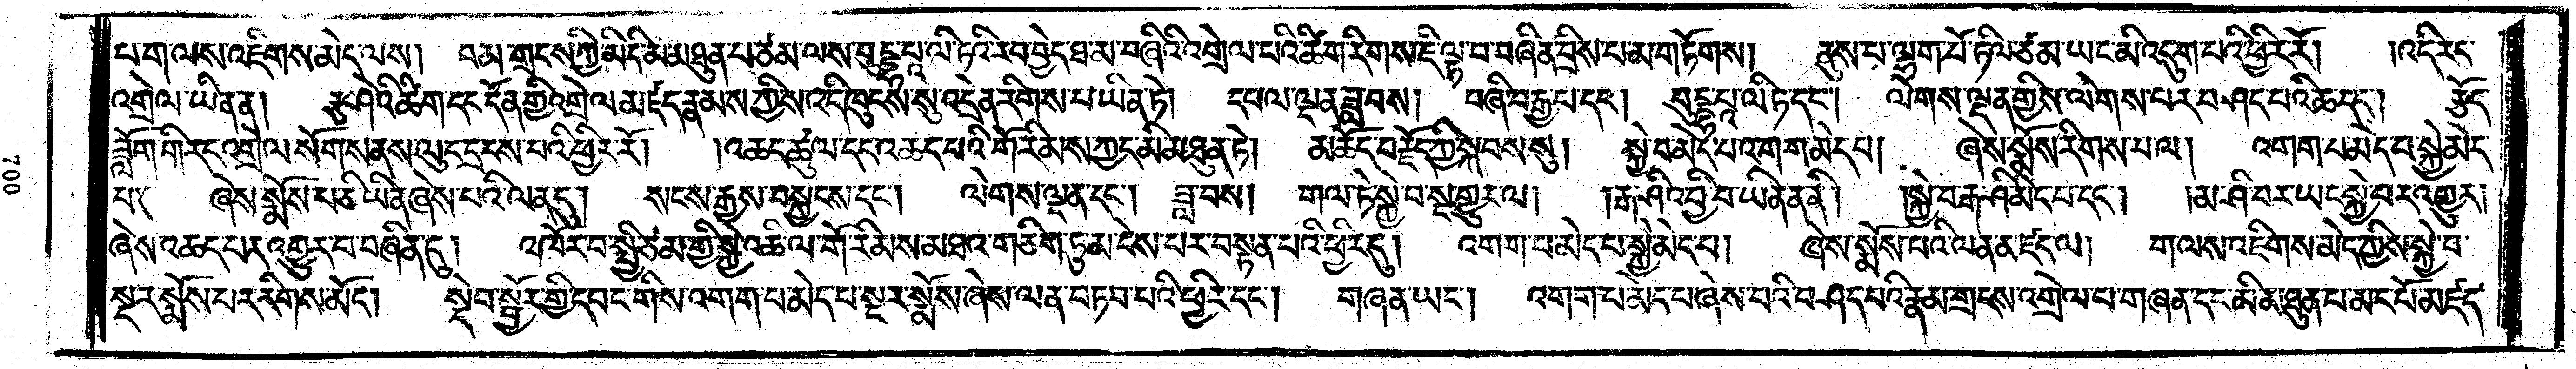པག་ལས་འཇིགས་མེད་ལས། བམ་གྲངས་ཀྱི་མིང་མི་མཐུན་པ་ཙམ་ལས་བུདྡྷ་པཱ་ལི་ཏའི་རབ་བྱེད་ཐ་མ་བཞིའི་འགྲེལ་པའི་ཚིག་རིགས་ཇི་ལྟ་བ་བཞིན་བྲིས་པ་མ་གཏོགས། ནུས་པ་ལྷག་པོ་ཏིལ་ཙམ་ཡང་མི་འདུག་པའི་ཕྱིར་རོ། །འདི་རང་
འགྲེལ་ཡིན་ན། རྩ་ཤེའི་ཚིག་དང་དོན་གྱི་འགྲེལ་མཛད་རྣམས་ཀྱིས་འདི་ཁུངས་སུ་འདྲེན་རིགས་པ་ཡིན་ཏེ། དཔལ་ལྡན་ཟླ་བས། བཞི་བརྒྱ་པ་དང་། བུདྡྷ་པཱ་ལི་ཏ་དང་། ལེགས་ལྡན་གྱིས་ལེགས་པར་བཤད་པའི་ཆ་དང་། རྩོད་
ཟློག་གི་རང་འགྲེལ་སོགས་ནས་ལུང་དྲངས་པའི་ཕྱིར་རོ། །འཆང་ཚུལ་དང་འཆད་པའི་གོ་རིམས་ཀྱང་མི་མཐུན་ཏེ། མཆོད་བརྗོད་ཀྱི་སྐབས་སུ། སྐྱེ་བ་མེད་པ་འགག་མེད་པ། ཞེས་སྨོས་རིགས་པ་ལ། འགག་པ་མེད་པ་སྐྱེ་མེད་
པ༑ ཞེས་སྨོས་པ་ཅི་ཡིན་ཞེས་པའི་ལན་དུ། སངས་རྒྱས་བསྐྱངས་དང་། ལེགས་ལྡན་དང་། ཟླ་བས། གལ་ཏེ་སྐྱེ་བ་སྔ་གྱུར་ལ། །རྒ་ཤི་འབྱི་བ་ཡིན་ན་ནི། །སྐྱེ་བ་རྒ་ཤི་མེད་པ་དང་། །མ་ཤི་བར་ཡང་སྐྱེ་བར་འགྱུར།
ཞེས་འཆད་པར་འགྱུར་པ་བཞིན་དུ། འཁོར་བ་སྤྱི་ཙམ་གྱི་སྐྱེ་འཆི་ལ་གོ་རིམས་མཐའ་གཅིག་ཏུ་མ་ངེས་པར་བསྟན་པའི་ཕྱིར་དུ། འགག་པ་མེད་པ་སྐྱེ་མེད་པ། ཞེས་སྨོས་པའི་ལན་མཛད་ལ། ག་ལས་འཇིགས་མེད་ཀྱིས་སྐྱེས་བ་
སྔར་སྨོས་པར་རིགས་མོད། སྡེབ་སྦྱོར་གྱི་དབང་གིས་འགག་པ་མེད་པ་སྔར་སྨོས་ཞེས་ལན་བཏབ་པའི་ཕྱིར་དང་། གཞན་ཡང་། འགག་པ་མེད་པ་ཞེས་པའི་བཤད་པའི་རྣམ་གྲངས་འགྲེལ་པ་གཞན་དང་མི་མཐུན་པ་མང་པོ་མཛད་